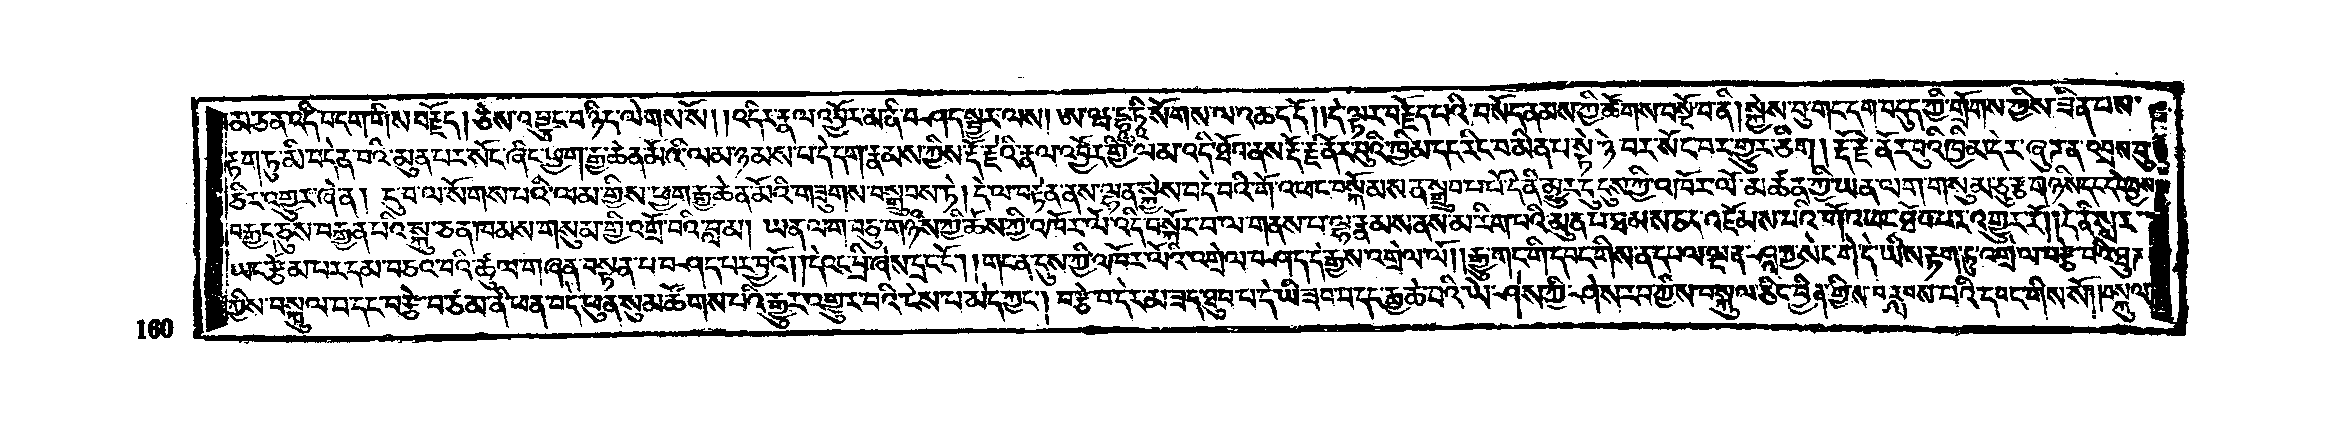མ་ཅན་འདི་བདག་གིས་བརྗོད། ཅེས་འབྱུང་བ་ཉིད་ལེགས་སོ། །འདིར་རྣལ་འབྱོར་མ་ནི་བཤད་སྦྱར་ལས། ཨ་ཝ་དྷཱུ་ཏཱིར་སོགས་ལ་འཆད་དོ། །དེ་ལྟར་བརྗོད་པའི་བསོད་ནམས་ཀྱི་ཚོགས་བསྔོ་བ་ནི། སྐྱེས་བུ་གང་དག་བདུད་ཀྱི་གྲོགས་ཀྱིས་ཟིན་པས་
རྟག་ཏུ་མི་བདེན་པའི་མུན་པར་སོང་ཞིང་ཕྱག་རྒྱ་ཆེན་མོའི་ལམ་ཉམས་པ་དེ་དག་རྣམས་ཀྱིས་རྡོ་རྗེའི་རྣལ་འབྱོར་གྱི་ལམ་འདི་ཐོབ་ནས་རྡོ་རྗེ་ནོར་བུའི་ཁྱིམ་དང་རིང་བ་མིན་པ་སྟེ་ཉེ་བར་སོང་བར་གྱུར་ཅིག །རྡོ་རྗེ་ནོར་བུའི་ཁྱིམ་དེར་ཞུགས་ན་འབྲས་བུ་
ཅིར་འགྱུར་ཞེ་ན། དུ་བ་ལ་སོགས་པའི་ལམ་གྱིས་ཕྱག་རྒྱ་ཆེན་མོའི་གཟུགས་བསྒྲུབས་ཏེ། དེ་ལ་བརྟེན་ནས་ལྷན་སྐྱེས་བདེ་བའི་གོ་འཕང་བསྒོམས་ན་སྒྲུབ་པ་པོ་དེ་ནི་མྱུར་དུ་དུས་ཀྱི་འཁོར་ལོ་མཚན་གྱི་ཡན་ལག་གསུམ་ཅུ་རྩ་གཉིས་དང་དཔེ་བྱས་
བརྒྱད་ཅུས་བརྒྱན་པའི་སྐུ་ཅན་ཁམས་གསུམ་གྱི་འགྲོ་བའི་བླ་མ། ཡན་ལག་བཅུ་གཉིས་ཀྱི་ཆོས་ཀྱི་འཁོར་ལོ་འདི་བསྐོར་བ་ལ་གནས་པ་ལྷ་རྣམས་ནས་མ་རིག་པའི་མུན་པ་ཐམས་ཅད་འཇོམས་པའི་གོ་འཕང་ཐོབ་པར་འགྱུར་རོ། །དེ་ནི་སླར་
ཡང་རྩོམ་པར་དམ་བཅའ་བའི་ཚུལ་གཞན་བསྟན་པ་བཤད་པར་བྱའོ། །དེའང་བྲི་ཞེས་དྲང་ངོ། །གང་ན་དུས་ཀྱི་འཁོར་ལོའི་འགྲེལ་བཤད་དེ་རྒྱས་འགྲེལ་ལོ། །རྒྱུ་གང་གི་དབང་གིས་ན་དཔལ་ལྡན་ཤཱཀྱ་སེང་གེ་དེ་ཡིས་རྟག་ཏུ་འགྲེལ་བརྩེ་བའི་ཐུགས་
ཀྱིས་བསྐུལ་བ་དང་བརྩེ་བ་ཙམ་ནི་ཕན་བདེ་ཕུན་སུམ་ཚོགས་པའི་རྒྱུར་འགྱུར་བའི་ངེས་པ་མེད་ཀྱང་། བརྩེ་བ་དེར་མ་ཟད་ཐུབ་པ་དེ་ཡི་ཟབ་པ་དང་རྒྱ་ཆེ་བའི་ཡེ་ཤེས་རབ་ཀྱིས་བསྐུལ་ཅིང་བྱིན་གྱིས་དྲངས་?་པའི་དབང་གིས་སོ། །བསྐུལ་